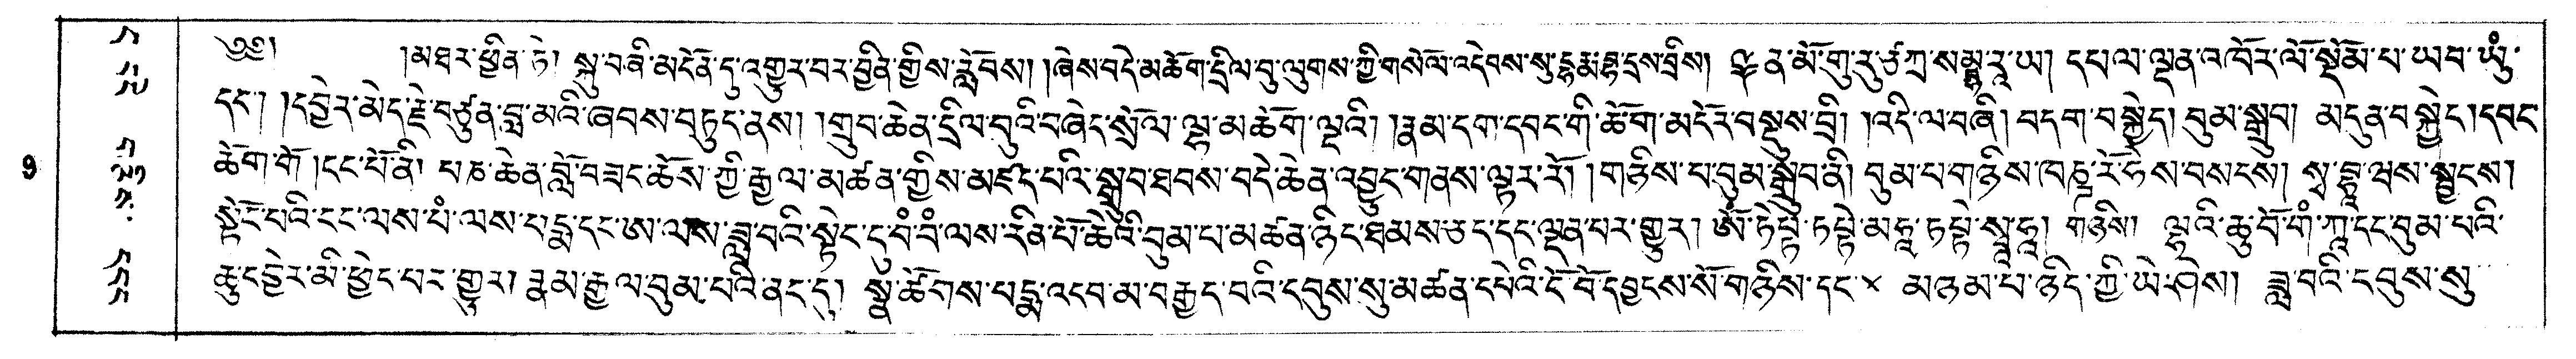༄༅། །མཐར་ཕྱིན་ཏེ། སྐུ་བཞི་མངོན་དུ་འགྱུར་བར་བྱིན་གྱིས་རློབས། །ཞེས་བདེ་མཆོག་དྲིལ་བུ་ལུགས་ཀྱི་གསོལ་འདེབས་སུ་དྷརྨ་བྷ་དྲས་བྲིས། ༈ ན་མོ་གུ་རུ་ཙ་ཀྲ་སམྦྷ་རཱ་ཡ། དཔལ་ལྡན་འཁོར་ལོ་སྡོམ་པ་ཡབ་ཡུཾ་
དང་། །དབྱེར་མེད་རྗེ་བཙུན་བླ་མའི་ཞབས་བཏུད་ནས། །གྲུབ་ཆེན་དྲིལ་བུའི་བཞེད་སྲོལ་ལྷ་མཆོག་ལྔའི། །རྣམ་དག་དབང་གི་ཆོ་ག་མདོར་བསྡུས་བྲི། །འདི་ལ་བཞི། བདག་བསྐྱེད། བུམ་སྒྲུབ། མདུན་བསྐྱེད། དབང་
ཆོག་གོ །དང་པོ་ནི། པཎ་ཆེན་བློ་བཟང་ཆོས་ཀྱི་རྒྱལ་མཚན་གྱིས་མཛད་པའི་སྒྲུབ་ཐབས་བདེ་ཆེན་འབྱུང་གནས་ལྟར་རོ། །གཉིས་པ་བུམ་སྒྲུབ་ནི། བུམ་པ་གཉིས་ཁཎྜ་རོ་ཧེས་བསངས། སྭ་བྷཱ་ཝས་སྦྱངས།
སྟོང་པའི་ངང་ལས་པཾ་ལས་པདམ་དང་ཨ་ལས་ཟླ་བའི་སྟེང་དུ་བཾ་བཾ་ལས་རིན་པོ་ཆེའི་བུམ་པ་མཚན་ཉིད་ཐམས་ཅད་དང་ལྡན་པར་གྱུར། ཨོཾ་ཏེཔྟ་ཏཔྟེ་མཧཱ་ཏཔྟེ་སྭཱ་ཧཱ། གཉིས། ལྷའི་ཆུ་བོ་གཾ་ཀཱ་དང་བུམ་པའི་
ཆུ་དབྱེར་མི་ཕྱེད་པར་གྱུར། རྣམ་རྒྱལ་བུམ་པའི་ནང་དུ། སྣ་ཚོགས་པདམ་འདབ་མ་བརྒྱད་བའི་དབུས་སུ་མཚན་དཔེའི་ངོ་བོ་དབྱངས་སོ་གཉིས་དང྾་མཉམ་པ་ཉིད་ཀྱི་ཡེ་ཤེས། ཟླ་བའི་དབུས་སུ་